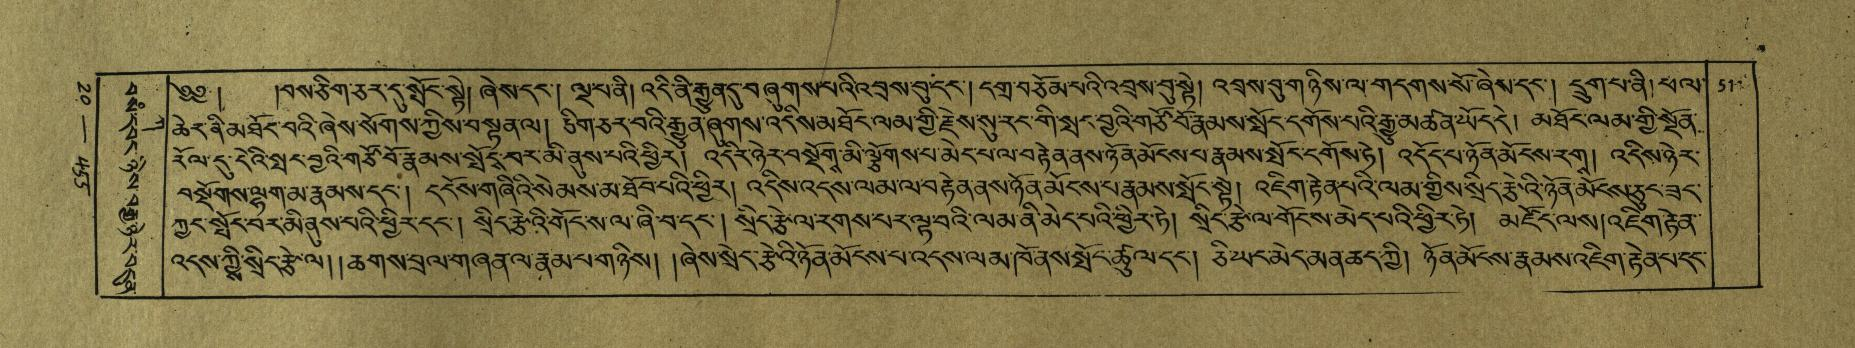༄༅། །བས་ཅིག་ཅར་དུ་སྤོང་སྟེ། ཞེས་དང་། ལྔ་པ་ནི། འདི་ནི་རྒྱུན་དུ་བཞུགས་པའི་འབྲས་བུ་དང་། དགྲ་བཅོམ་པའི་འབྲས་བུ་སྟེ། འབྲས་བུ་གཉིས་ལ་གདགས་སོ་ཞེས་དང་། དྲུག་པ་ནི། ཕལ་
ཆེར་ནི་མཐོང་བའི་ཞེས་སོགས་ཀྱིས་བསྟན་ལ། ཅིག་ཅར་བའི་རྒྱུན་ཞུགས་འདིས་མཐོང་ལམ་གྱི་རྗེས་སུ་རང་གི་སྤང་བྱའི་གཙོ་བོ་རྣམས་སྤོང་དགོས་པའི་རྒྱུ་མཚན་ཡོད་དེ། མཐོང་ལམ་གྱི་སྔོན་
རོལ་དུ་དེའི་སྤང་བྱའི་གཙོ་བོ་རྣམས་སྤོངས་བར་མི་ནུས་པའི་ཕྱིར། འདིར་ཉེར་བསྔོགས་མི་ལྕོགས་པ་མེད་པ་ལ་བརྟེན་ནས་ཉོན་མོངས་པ་རྣམས་སྤོང་དགོས་ཏེ། འདོད་པ་ཉོན་མོངས་རགས། འདིས་ཉེར་
བསྡོགས་ལྷག་མ་རྣམས་དང་། དངོས་གཞིའི་སེམས་མ་ཐོབ་པའི་ཕྱིར། འདིས་འདས་ལམ་ལ་བརྟེན་ནས་ཉོན་མོངས་པ་རྣམས་སྤོང་སྟེ། འཇིག་རྟེན་པའི་ལམ་གྱིས་སྲིད་རྩེའི་ཉོན་མོངས་ཅུང་ཟད་
ཀྱང་སྤོང་བར་མི་ནུས་པའི་ཕྱིར་དང་། སྲིད་རྩེའི་གོང་ས་ལ་ཞི་བ་དང་། སྲིད་རྩེ་ལ་རགས་པར་ལྟ་བའི་ལམ་ནི་མེད་པའི་ཕྱིར་ཏེ། སྲིད་རྩེ་ལ་གོང་ས་མེད་པའི་ཕྱིར་ཏེ། མཛོད་ལས། འཇིག་རྟེན་
འདས་ཀྱིས་སྲིད་རྩེ་ལ། །ཆགས་བྲལ་གཞན་ལ་རྣམ་པ་གཉིས། །ཞེས་སྲེད་རྩེའི་ཉོན་མོངས་པ་འདས་ལམ་ཁོ་ནས་སྤོང་ཚུལ་དང་། ཅི་ཡང་མེད་མན་ཆད་ཀྱི། ཉོན་མོངས་རྣམས་འཇིག་རྟེན་པ་དང་